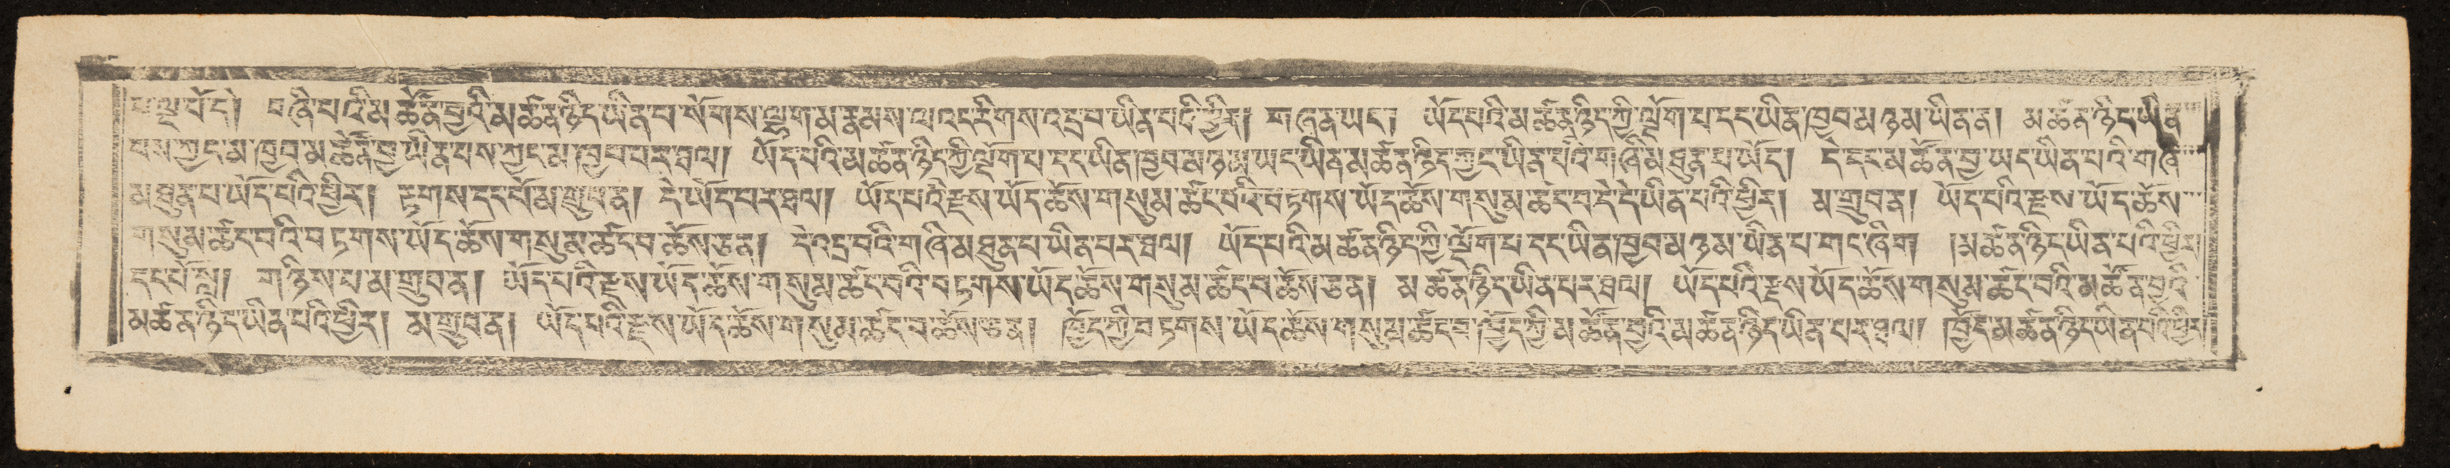བ་ལྔ་པོ་དེ། བཞི་པོའི་མཚོན་བྱའི་མཚན་ཉིད་ཡིན་པ་སོགས་ལྷག་མ་རྣམས་ལའང་རིགས་འདྲ་བ་ཡིན་པའི་ཕྱིར། གཞན་ཡང་། ཡོད་པའི་མཚན་ཉིད་ཀྱི་ལྡོག་པ་དང་ཡིན་ཁྱབ་མཉམ་ཡིན་ན། མཚན་ཉིད་ཡིན་
པས་ཀྱང་མ་ཁྱབ་མཚོན་བྱ་ཡིན་པས་ཀྱང་མ་ཁྱབ་པར་ཐལ། ཡོད་པའི་མཚན་ཉིད་ཀྱི་ལྡོག་པ་དང་ཡིན་ཁྱབ་མཉམ་ཡང་ཡིན་མཚན་ཉིད་ཀྱང་ཡིན་པའི་གཞི་མཐུན་པ་ཡོད། དེ་དང་མཚོན་བྱ་ཡང་ཡིན་པའི་གཞི་
མཐུན་པ་ཡོད་པའི་ཕྱིར། རྟགས་དང་པོ་མ་གྲུབ་ན། དེ་ཡོད་པར་ཐལ། ཡོད་པའི་རྫས་ཡོད་ཆོས་གསུམ་ཚང་བའི་བཏགས་ཡོད་ཆོས་གསུམ་ཚང་བ་དེ་དེ་ཡིན་པའི་ཕྱིར། མ་གྲུབ་ན། ཡོད་པའི་རྫས་ཡོད་ཆོས་
གསུམ་ཚང་བའི་བཏགས་ཡོད་ཆོས་གསུམ་ཚང་བ་ཆོས་ཅན། དེ་འདྲ་བའི་གཞི་མཐུན་པ་ཡིན་པར་ཐལ། ཡོད་པའི་མཚན་ཉིད་ཀྱི་ལྡོག་པ་དང་ཡིན་ཁྱབ་མཉམ་ཡིན་པ་གང་ཞིག །མཚན་ཉིད་ཡིན་པའི་ཕྱིར་
དང་པོ་སླ། གཉིས་པ་མ་གྲུབ་ན། ཡོད་པའི་རྫས་ཡོད་ཆོས་གསུམ་ཚང་བའི་བཏགས་ཡོད་ཆོས་གསུམ་ཚང་བ་ཆོས་ཅན། མཚན་ཉིད་ཡིན་པར་ཐལ། ཡོད་པའི་རྫས་ཡོད་ཆོས་གསུམ་ཚང་བའི་མཚོན་བྱའི་
མཚན་ཉིད་ཡིན་པའི་ཕྱིར། མ་གྲུབ་ན། ཡོད་པའི་རྫས་ཡོད་ཆོས་གསུམ་ཚང་བ་ཆོས་ཅན། ཁྱོད་ཀྱི་བཏགས་ཡོད་ཆོས་གསུམ་ཚང་བ་ཁྱོད་ཀྱི་མཚོན་བྱའི་མཚན་ཉིད་ཡིན་པར་ཐལ། ཁྱོད་མཚན་ཉིད་ཡིན་པའི་ཕྱིར།